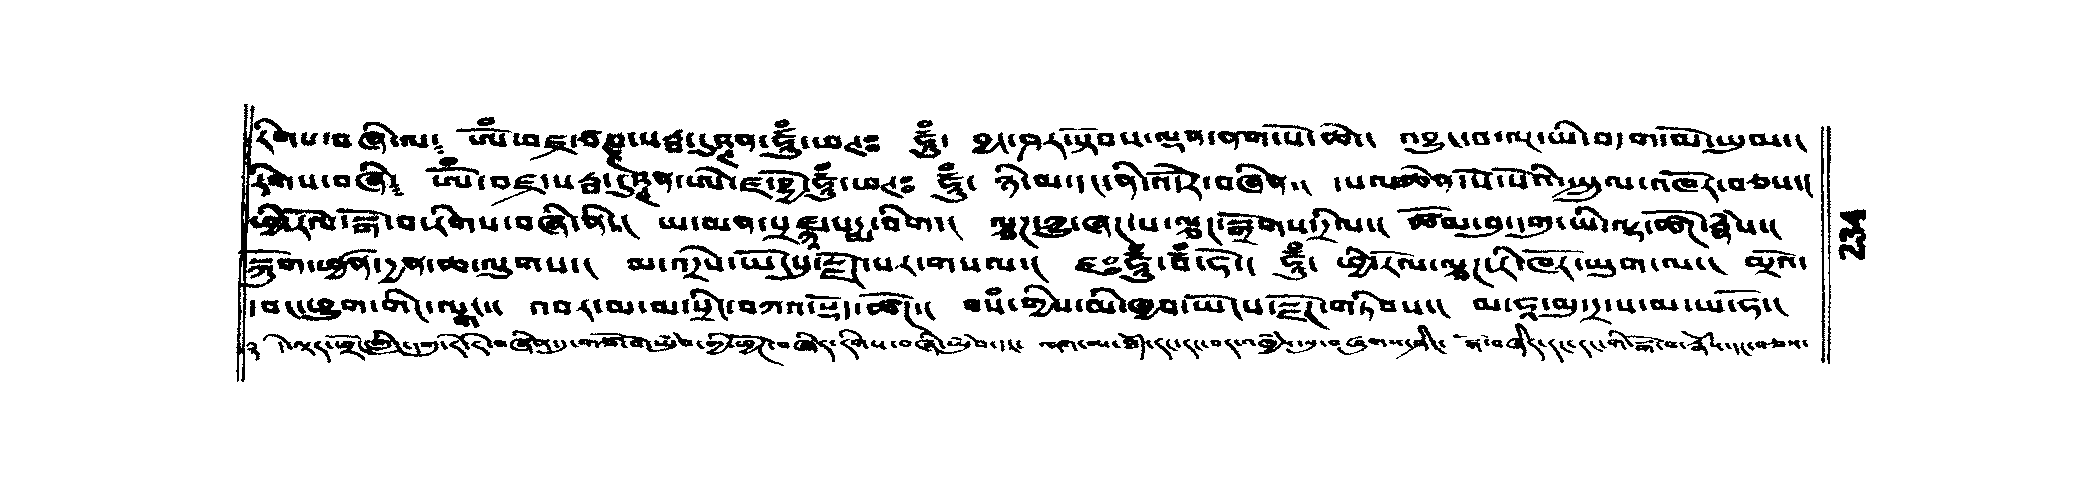རིགས་བཞི་༴ ཨོཾ་བཛྲ་ཙཎྜ་སརྦ་དུཥྚན་ཕཊཿ ཧཱུྃ། བྱང་ཤར་སྟོབས་ལྡན་ནག་པོ་ཆེ། །འབྱུང་བ་ལྔ་ཡི་བདག་མོ་ཡུམ། །
རིགས་བཞི་༴ ཨོཾ་བཛྲ་སརྦ་དུཥྚན་ཨེ་ཛ་བྷྱོ་ཧཱུྃ་ཕཊཿ ཧཱུྃ། ཉི་མ་དང་ནི་འོད་ཟེར་བཞིན། །དཔལ་ཆེན་སོ་སོའི་སྤྲུལ་འཁོར་བཅས། །
ཕྱི་རོལ་སྒོ་བ་རིགས་བཞི་ནི། །ཡ་མན་པྲཛྙ་པདྨ་བིག་ལྕགས་ཀྱུ་ཞགས་པ་ལྕགས་སྒྲོག་དྲིལ། །ཚོམ་བུ་དགུ་ཡི་ལྷ་ཚོགས་རྣམས། ། 
སྐུ་མདོག་ཕྱག་མཚན་རྒྱན་ཆ་ལུགས། །མ་འདྲེས་ཡོངས་སུ་རྫོགས་པར་གསལ། །ཛཿཧཱུྃ་བྃ་ཧོ། ཧཱུྃ། ཕྱི་རོལ་ལྕགས་རི་འཁོར་ཡུག་ལ། །མཁའ་འགྲོ་
དབང་ཕྱུག་གིང་ལངྒ་། འབར་མ་མ་སྲིང་བཀའ་སྡོད་ཚོགས། །བསམ་གྱིས་མི་ཁྱབ་ཡོངས་་རྫོགས་གཏིབས། །མ་ཧཱ་མུ་དྲ་ས་མ་ཡ་ཧོ། 
༈ དེ་ལྟར་ཕོ་བྲང་གླིང་དགུ་རེ་རེ་བཞིན་དུ་གཙོ་བོ་ཡབ་ཡུམ་གྱི་ཕྱོགས་བཞིར་རིགས་བཞི་ཡབ་ཡུམ་དང་། ལྷག་མ་ཐམས་ཅད་རང་རང་བར་འཁྱམས་སུ་བཞུགས་ཤིང་། སྒོ་བཞིར་རང་རང་གི་སྒོ་བ་རྣམས་དང་བཅས་